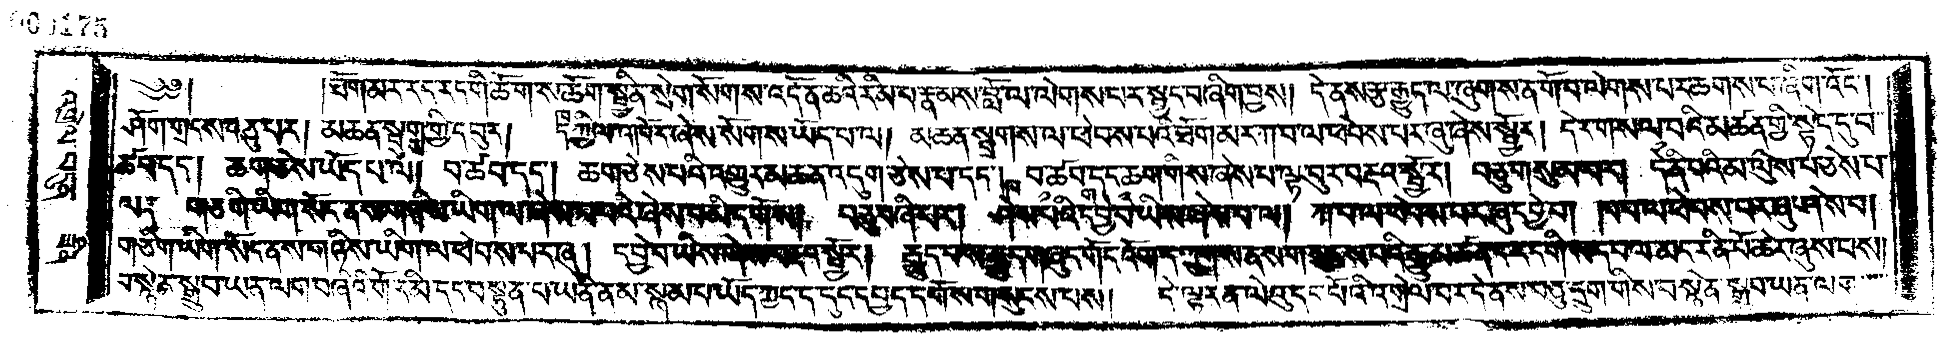༄༅། །ཐོག་མར་རང་རང་གི་ཆོ་ག་ས་ཆོག་སྦྱིན་སྲེག་སོགས་འདོན་ཆའི་རིམ་པ་རྣམས་བློ་ལ་ལེགས་པར་སྦྱང་བ་ཞིག་བྱས། དེ་ནས་རྩ་རྒྱུད་ལ་ཞུགས་ན་གོ་བ་ལེགས་པར་ཆགས་པ་ཞིག་འོང་།
ཤོག་གྲངས་བཅུ་པར། མཆན་སྦྲགས་ཀྱི་དབུར། ཁ་དཀྱིལ་འཁོར་ཞེས་སོགས་ཡོད་པ་ལ། མཆན་སྦྲགས་ལ་ཕེབས་པའི་ཐོག་མར་ཀ་བ་ལ་ཕེབས་པར་ཞུ་ཞེས་སྦྱོར། དེར་གསལ་བའི་མཚན་གྱི་སྟེང་དུ་བ་
ཚབ་དང་། ཆག་ཅེས་ཡོད་པ་ལ། བ་ཚབ་དང་། ཆག་ཅེས་པའི་འགྱུར་མཆན་འདུག་ཅེས་པ་དང་། བ་ཚབ་དང་ཆག་གིས་ཞེས་པ་ལྟ་བུར་བརྡའ་སྦྱོར། བཅུ་གསུམ་པར། {༡}་དེ་ནི་བའི་མ་{༢}ལུས་པ་ཅེས་པ་
ལ༑ གཅིག་ཡིག་སོང་ནས་གཉིས་ཡིག་ལ་ཞེས་པ་བའི་ཞེས་པ་མི་དགོས། བཅུ་བཞི་པར། {ཁ}ཤེས་{༡༠}་པའི་{ག}་དབྱེ་{༢}་བ་ཡིས་ཞེས་པ་ལ། ཀ་བ་ལ་ཕེབས་པར་ཞུ་དབྱེ་བ། ཁ་བ་ལ་ཕེབས་པར་ཞུ་ཤེས་པ།
གཅིག་ཡིག་སོང་ནས་གཉིས་ཡིག་ལ་ཕེབས་པར་ཞུ། དབྱེ་བ་ཡིས་ཞེས་བརྡའ་སྦྱོར། རྒྱུད་པས་རྒྱུད་གཞུང་གོང་འོག་དཀྲུགས་ནས་གསུངས་པའི་རྒྱུ་མཚན་ང་རང་གིས་དཔལ་མང་རིན་པོ་ཆེར་ཞུས་པས།
བསྙེན་སྒྲུབ་ཡན་ལག་བཞིའི་གོ་རིམ་དང་བསྟུན་པ་ཡིན་ནམ་སྙམ་པ་ཡོད་ཀྱང་ད་དུང་དཔྱད་དགོས་གསུངས་པས། དེ་ལྟར་ན་ལེའུ་དང་པོའི་འགྲེལ་བར་དེ་ནས་བཅུ་དྲུག་གིས་བསྙེན་སྒྲུབ་ཡན་ལག་